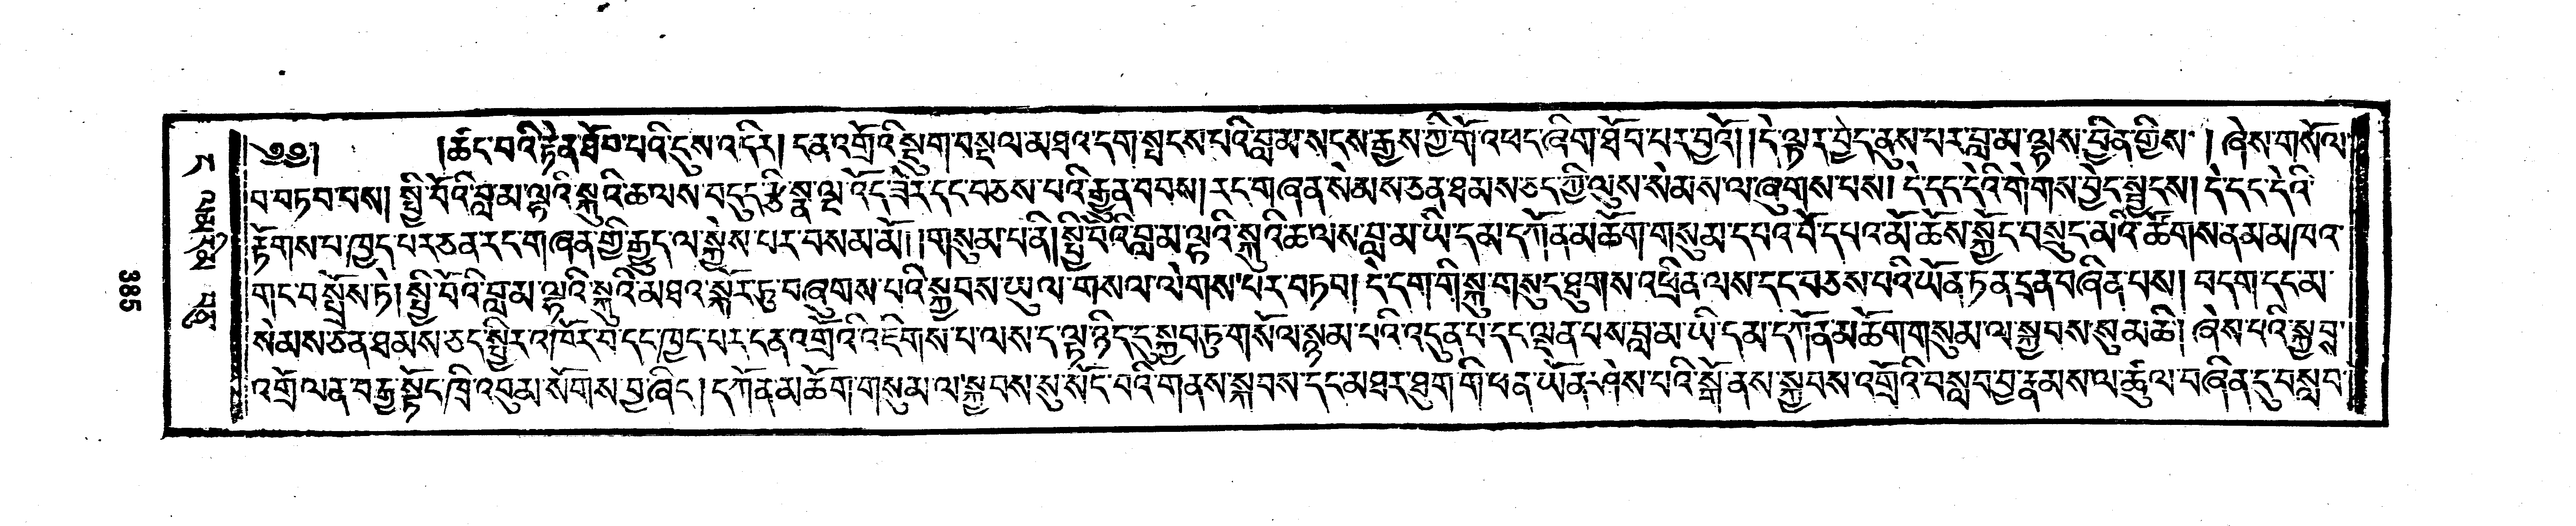༄༅། །ཚང་བའི་རྟེན་ཐོབ་པའི་དུས་འདིར། ངན་འགྲོའི་སྡུག་བསྔལ་མཐའ་དག་སྤངས་པའི་བླ་མ་སངས་རྒྱས་ཀྱི་གོ་འཕང་ཞིག་ཐོབ་པར་བྱའོ། །དེ་ལྟར་བྱེད་ནུས་པར་བླ་མ་ལྷས་བྱིན་གྱིས་྾། ཞེས་གསོལ་
བ་བཏབ་པས། སྤྱི་བོའི་བླ་མ་ལྷའི་སྐུའི་ཆ་ལས་བདུད་རྩི་སྣ་ལྔ་འོད་ཟེར་དང་བཅས་པའི་རྒྱུན་བབས། རང་གཞན་སེམས་ཅན་ཐམས་ཅད་ཀྱི་ལུས་སེམས་ལ་ཞུགས་པས། དེ་དང་དེའི་གེགས་བྱེད་སྦྱངས། དེ་དང་དེའི་
རྟོགས་པ་ཁྱད་པར་ཅན་རང་གཞན་གྱི་རྒྱུད་ལ་སྐྱེས་པར་བསམ་མོ། །གསུམ་པ་ནི། སྤྱི་བོའི་བླ་མ་ལྷའི་སྐུའི་ཆ་ལས་བླ་མ་ཡི་དམ་དཀོན་མཆོག་གསུམ་དཔའ་བོ་དཔའ་མོ་ཆོས་སྐྱོང་བསྲུང་མའི་ཚོགས་ནམ་མཁའ་
གང་བ་སྤྲོས་ཏེ། སྤྱི་བོའི་བླ་མ་ལྷའི་སྐུའི་མཐའ་སྐོར་ཏུ་བཞུགས་པའི་སྐྱབས་ཡུལ་གསལ་ལེགས་པར་བཏབ། དེ་དག་གི་སྐུ་གསུང་ཐུགས་འཕྲིན་ལས་དང་བཅས་པའི་ཡོན་ཏན་དྲན་བཞིན་པས། བདག་དང་མ་
སེམས་ཅན་ཐམས་ཅད་སྤྱིར་འཁོར་བ་དང་ཁྱད་པར་ངན་འགྲོའི་འཇིགས་པ་ལས་ད་ལྟ་ཉིད་དུ་སྐྱབ་ཏུ་གསོལ་སྙམ་པའི་འདུན་པ་དང་ལྡན་པས་བླ་མ་ཡི་དམ་དཀོན་མཆོག་གསུམ་ལ་སྐྱབས་སུ་མཆི། ཞེས་པའི་སྐྱབས་
འགྲོ་ལན་བརྒྱ་སྟོང་ཁྲི་འབུམ་སོགས་བྱ་ཞིང་། དཀོན་མཆོག་གསུམ་ལ་སྐྱབས་སུ་སོང་བའི་གནས་སྐབས་དང་མཐར་ཐུག་གི་ཕན་ཡོན་ཤེས་པའི་སྒོ་ནས་སྐྱབས་འགྲོའི་བསླབ་བྱ་རྣམས་ལ་ཚུལ་བཞིན་དུ་བསླབ་